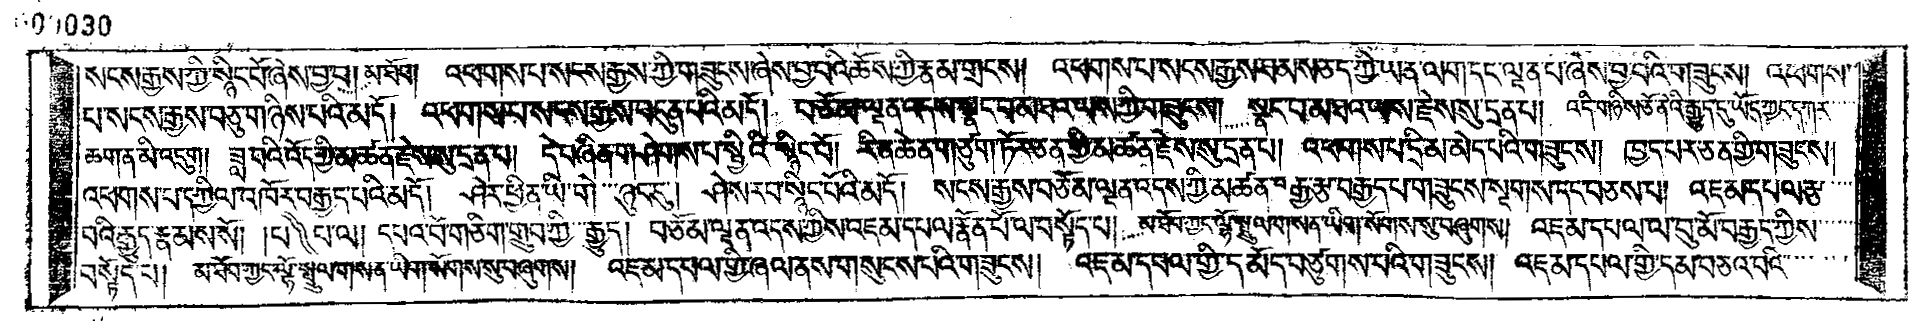སངས་རྒྱས་ཀྱི་སྙིང་པོ་ཞེས་བྱ་བ། མ་ཐོབ།  འཕགས་པ་སངས་རྒྱས་ཀྱི་གཟུངས་ཞེས་བྱ་བའི་ཆོས་ཀྱི་རྣམ་གྲངས། འཕགས་པ་སངས་རྒྱས་ཐམས་ཅད་ཀྱི་ཡན་ལག་དང་ལྡན་པ་ཞེས་བྱ་བའི་གཟུངས། འཕགས་
པ་སངས་རྒྱས་བཅུ་གཉིས་པའི་མདོ། འཕགས་པ་སངས་རྒྱས་བདུན་པའི་མདོ། བཅོམ་ལྡན་འདས་སྣང་བ་མཐའ་ཡས་ཀྱི་གཟུངས། སྣང་བ་མཐའ་ཡས་རྗེས་སུ་དྲན་པ། འདི་གཉིས་ཅོ་ནེའི་རྒྱུད་དུ་ཡོད་ཀྱང་དཀར་
ཆག་ན་མི་འདུག །ཟླ་བའི་འོད་ཀྱི་མཚན་རྗེས་སུ་དྲན་པ། དེ་བཞིན་གཤེགས་པ་སྤྱིའི་སྙིང་པོ། རིན་ཆེན་གཙུག་ཏོར་ཅན་གྱི་མཚན་རྗེས་སུ་དྲན་པ། འཕགས་པ་དྲི་མ་མེད་པའི་གཟུངས། ཁྱད་པར་ཅན་གྱི་གཟུངས།
འཕགས་པ་དཀྱིལ་འཁོར་བརྒྱད་པའི་མདོ། ཤེར་ཕྱིན་ཡི་གེ་ཉུང་དུ། ཤེས་རབ་སྙིང་པོའི་མདོ། སངས་རྒྱས་བཅོམ་ལྡན་འདས་ཀྱི་མཚན་བརྒྱ་རྩ་བརྒྱད་པ་གཟུངས་སྔགས་དང་བཅས་པ། འཇམ་དཔལ་རྩ་
བའི་རྒྱུད་རྣམས་སོ། །པ༼༽ པ་ལ། དཔའ་བོ་གཅིག་གྲུབ་ཀྱི་རྒྱུད། བཅོམ་ལྡན་འདས་ཀྱིས་འཇམ་དཔལ་རྣོན་པོ་ལ་བསྟོད་པ། མ་ཐོབ་ཀྱང་ལྷོ་སྦྲུལ་གསན་ཡིག་སོགས་སུ་བཞུགས།  འཇམ་དཔལ་ལ་བུ་མོ་བརྒྱད་ཀྱིས་
བསྟོད་པ། མ་ཐོབ་ཀྱང་ལྷོ་སྤྲུལ་གསན་ཡིག་སོགས་སུ་བཞུགས། འཇམ་དཔལ་གྱི་ཞལ་ནས་གསུངས་པའི་གཟུངས། འཇམ་དཔལ་གྱི་དམོད་བཙུགས་པའི་གཟུངས། འཇམ་དཔལ་གྱི་དམ་བཅའ་བའི་